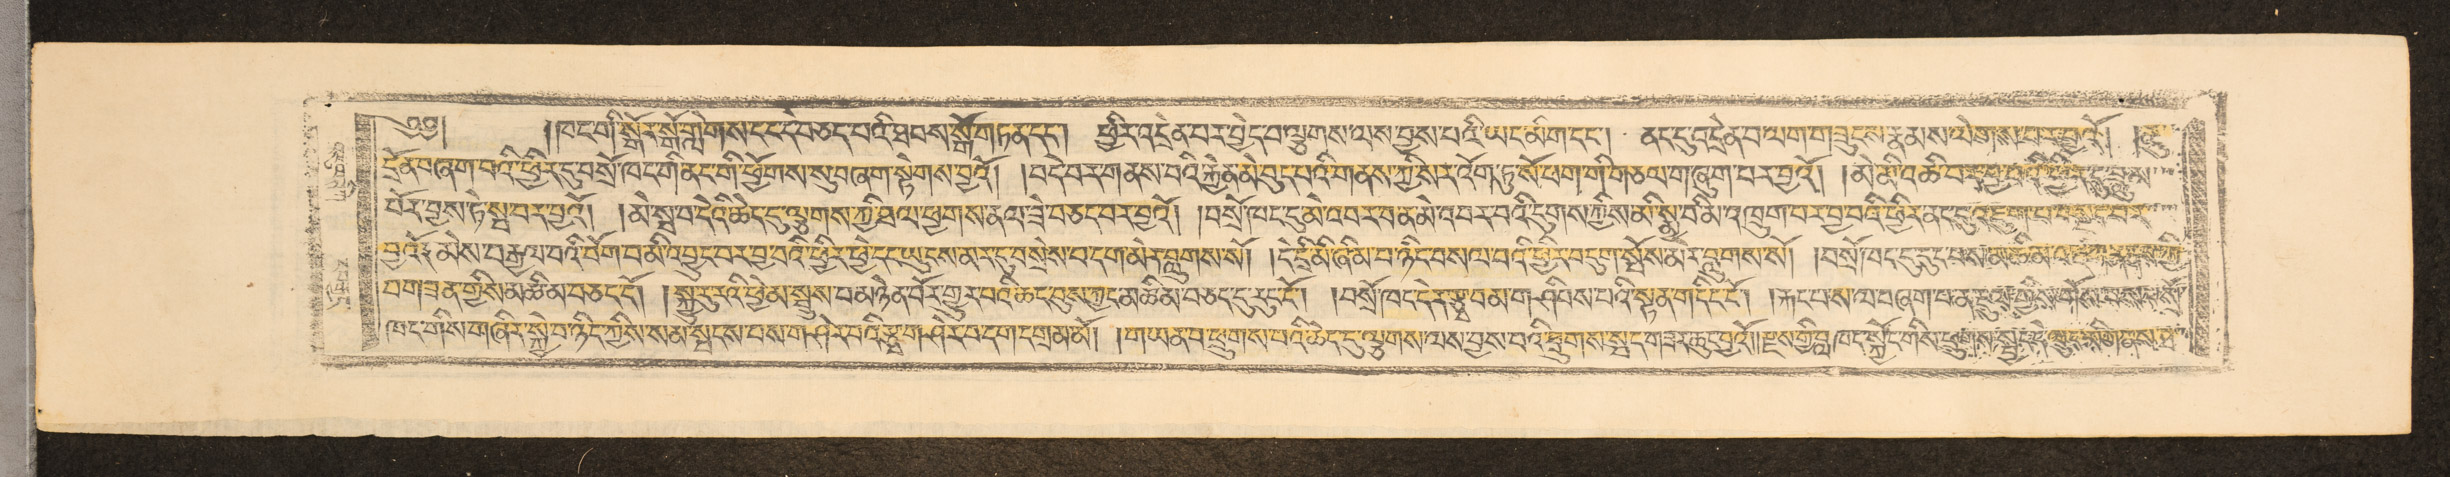༄༅། །ཁང་གི་སྒོར་སྒོ་གླེགས་དང་དེ་བཅད་པའི་ཐབས་སྒོ་གཏན་དང་། ཕྱིར་འདྲེན་པར་བྱེད་པ་ལྕགས་ལས་བྱས་པའི་ཡང་མིག་དང་། ནད་དུ་འདྲེན་པ་ལག་གཟུངས་རྣམས་ལེགས་པར་བྱའོ། །ཆུ་
དྲོན་བཞག་པའི་ཕྱིར་དུ་བསྲོ་ཁང་གི་ནང་གི་ཕྱོགས་སུ་བཞག་སྟེགས་བྱའོ། །བདེ་བར་གནས་པའི་རྐྱེན་མེ་བུང་པའི་གནས་ཀྱི་སར་འོག་ཏུ་སོ་ཕག་གི་གཅལ་གཞུག་པར་བྱའོ། །མེ་མི་འཆི་བར་བྱ་བའི་ཕྱིར་དུ་ཟླུམ་
པོར་བྱས་ཏེ་སྦ་བར་བྱའོ། །མེ་སྦ་བ་དེའི་ཆེད་དུ་ལྕགས་ཀྱི་ཐལ་ཕྱགས་ནལ་ཟེ་བཅང་བར་བྱའོ། །བསྲོ་ཁང་དུ་མེ་འབར་བ་ན་མེ་འབར་བའི་དུགས་ཀྱིས་མི་སྨྱ་བ་མི་འཁྲུག་པར་བྱ་བའི་ཕྱིར་ནང་དུ་འཇུག་པ་བསྡད་པར་
བྱའོ༑ མེས་བརྒྱལ་བའི་བོག་པ་མི་འབྱུང་བར་བྱ་བའི་ཕྱིར་ཕྱེ་དང་ཡུངས་མར་དུ་བསྲེས་པ་དག་མེར་བླུགས་སོ། །དེ་དྲི་མི་ཞིམ་པ་ཉིད་བསལ་བའི་ཕྱིར་བདུག་སྤོས་མེར་བླུགས་སོ། །བསྲོ་ཁང་དུ་དུད་པས་མཆི་མ་འཛག་ན་ནས་ཀྱི་
བག་ཟན་གྱིས་མཆི་མ་བཅད་དོ། །སྐྱུ་རུ་རའི་ཕྱེ་མ་སྦྲུས་པ་མཉེན་པོར་གྱུར་པའི་ཆད་བུས་ཀྱང་མ་ཆི་མ་བཅད་དུ་རུང་ངོ། །བསྲོ་ཁང་དེར་རྩྭ་བམ་གཤིབས་པའི་སྟན་གདིང་ངོ། །རྐང་པ་ས་ལ་བཞག་པ་ན་རྡུལ་གྱིས་གོས་པས་བསྲོ་
ཁང་གིས་གཞིར་སྐྱེ་བ་ཉིད་ཀྱིས་སམ་སྤངས་བས་གཤེར་བའི་རྩྭ་གཤེར་བ་དག་དགྲམ་མོ། །གཡན་པ་ཕྲུགས་པའི་ཆེད་དུ་ལྕགས་ལས་བྱས་པའི་ཕྲུགས་སྤྱད་གཟར་ཆུང་བྱའོ།། རྗས་ཀྱི་བླ་ཁང་སྐྱོད་གིས་ཕྲུགས་སྦྱད་དེ་ལུད་མིག་ནས་ཐ་